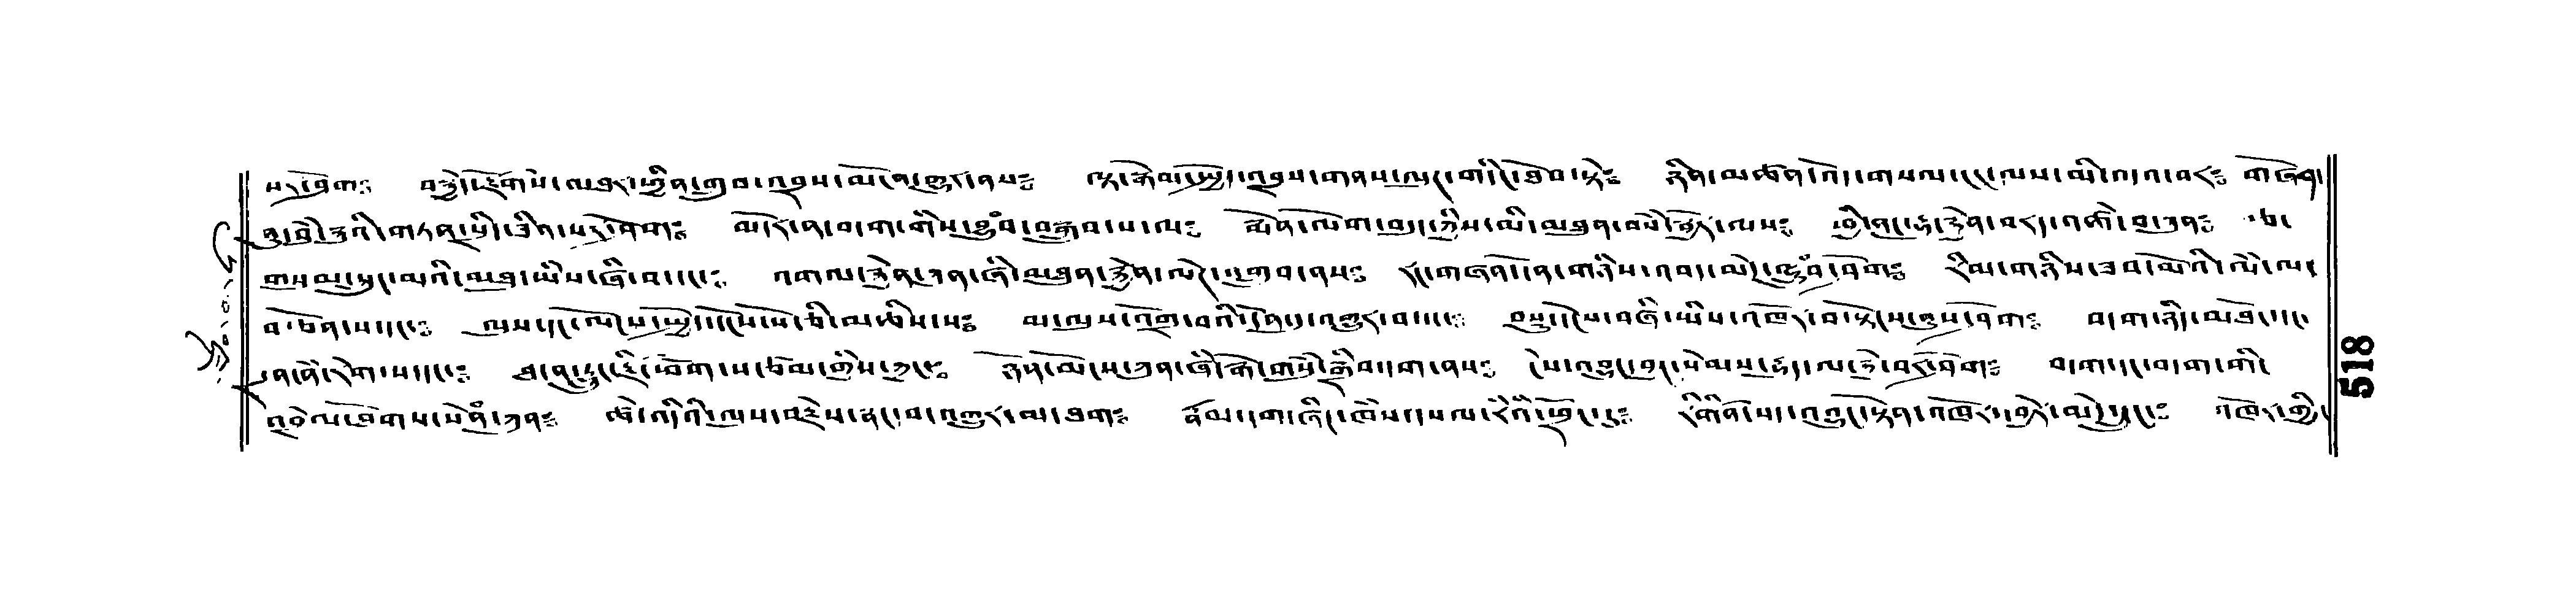པར་ཤོག༔ བསྐྱེད་རྫོགས་མཐར་ཕྱིན་གྲུབ་འབྲས་མངོན་གྱུར་ནས༔ ལྟ་སྒོམ་སྤྱོད་འབྲས་གནས་ལུགས་གདིང་ཐོབ་སྟེ༔ ཉིན་མཚན་འོད་གསལ་ངང་ལས་མི་འདའ་བར༔ གཞོན་
ནུ་བུམ་སྐུའི་གཏན་སྲིད་ཟིན་པར་ཤོག༔ མདོར་ན་བདག་གིས་བྱང་ཆུབ་བསྒྲུབ་པ་ལ༔ སྨོན་ལོག་བདུད་ཀྱིས་མི་མཐུན་བསམ་སྦྱོར་ལས༔ ཕྱི་ནང་རྒྱུ་རྐྱེན་བར་ཆད་འཚེ་བ་ཀུན༔ རྩ་
གསུམ་སྲུང་མའི་མཐུ་ཡིས་ཞི་བ་དང༔ འགལ་རྐྱེན་ཀུན་ཞི་མཐུན་རྐྱེན་ལེགས་འགྲུབ་ནས༔ རང་གཞན་དོན་གཉིས་འབད་མེད་ལྷུན་གྲུབ་ཤོག༔ རིམ་གཉིས་ཟབ་མོའི་ལམ་ལ་
བརྩོན་པ་དང༔ ལུས་དང་ལོངས་སྤྱོད་དངོས་པོ་ཅི་མཆིས་པ༔ མ་ལུས་འགྲོ་བའི་དོན་དུ་འགྱུར་བ་དང༔ བསྡུ་དངོས་བཞི་ཡིས་འཁོར་བ་སྟོངས་ནུས་ཤོག༔ བདག་ཉིད་མཐོང་དང་
དྲན་ནམ་རེག་པ་དང༔ ཐ་ན་རླུང་རྫི་ཕོག་པ་ཙམ་གྱིས་ཀྱང༔ཉོན་མོངས་ཀུན་ཞི་སྒོ་གསུམ་སྒྲིབ་དག་ནས༔ ངེས་འབྱུང་བྱང་སེམས་རྒྱུད་ལ་སྐྱེ་བར་ཤོག༔ བདག་དང་བདག་གི་
འབྲེལ་ཐོགས་སེམས་ཅན་ཀུན༔ ཚེ་འདིའི་ལུས་བརྗེས་སྣང་བ་འགྱུར་མ་ཐག༔ རྣམ་དག་ཞིང་ཁམས་དཔལ་རིའི་ཕོ་བྲང་དུ༔ རིག་འཛིན་པད་འབྱུང་སྟོན་འཁོར་དབྱེར་མེད་དྲུང༔ འཁོར་གྱི་